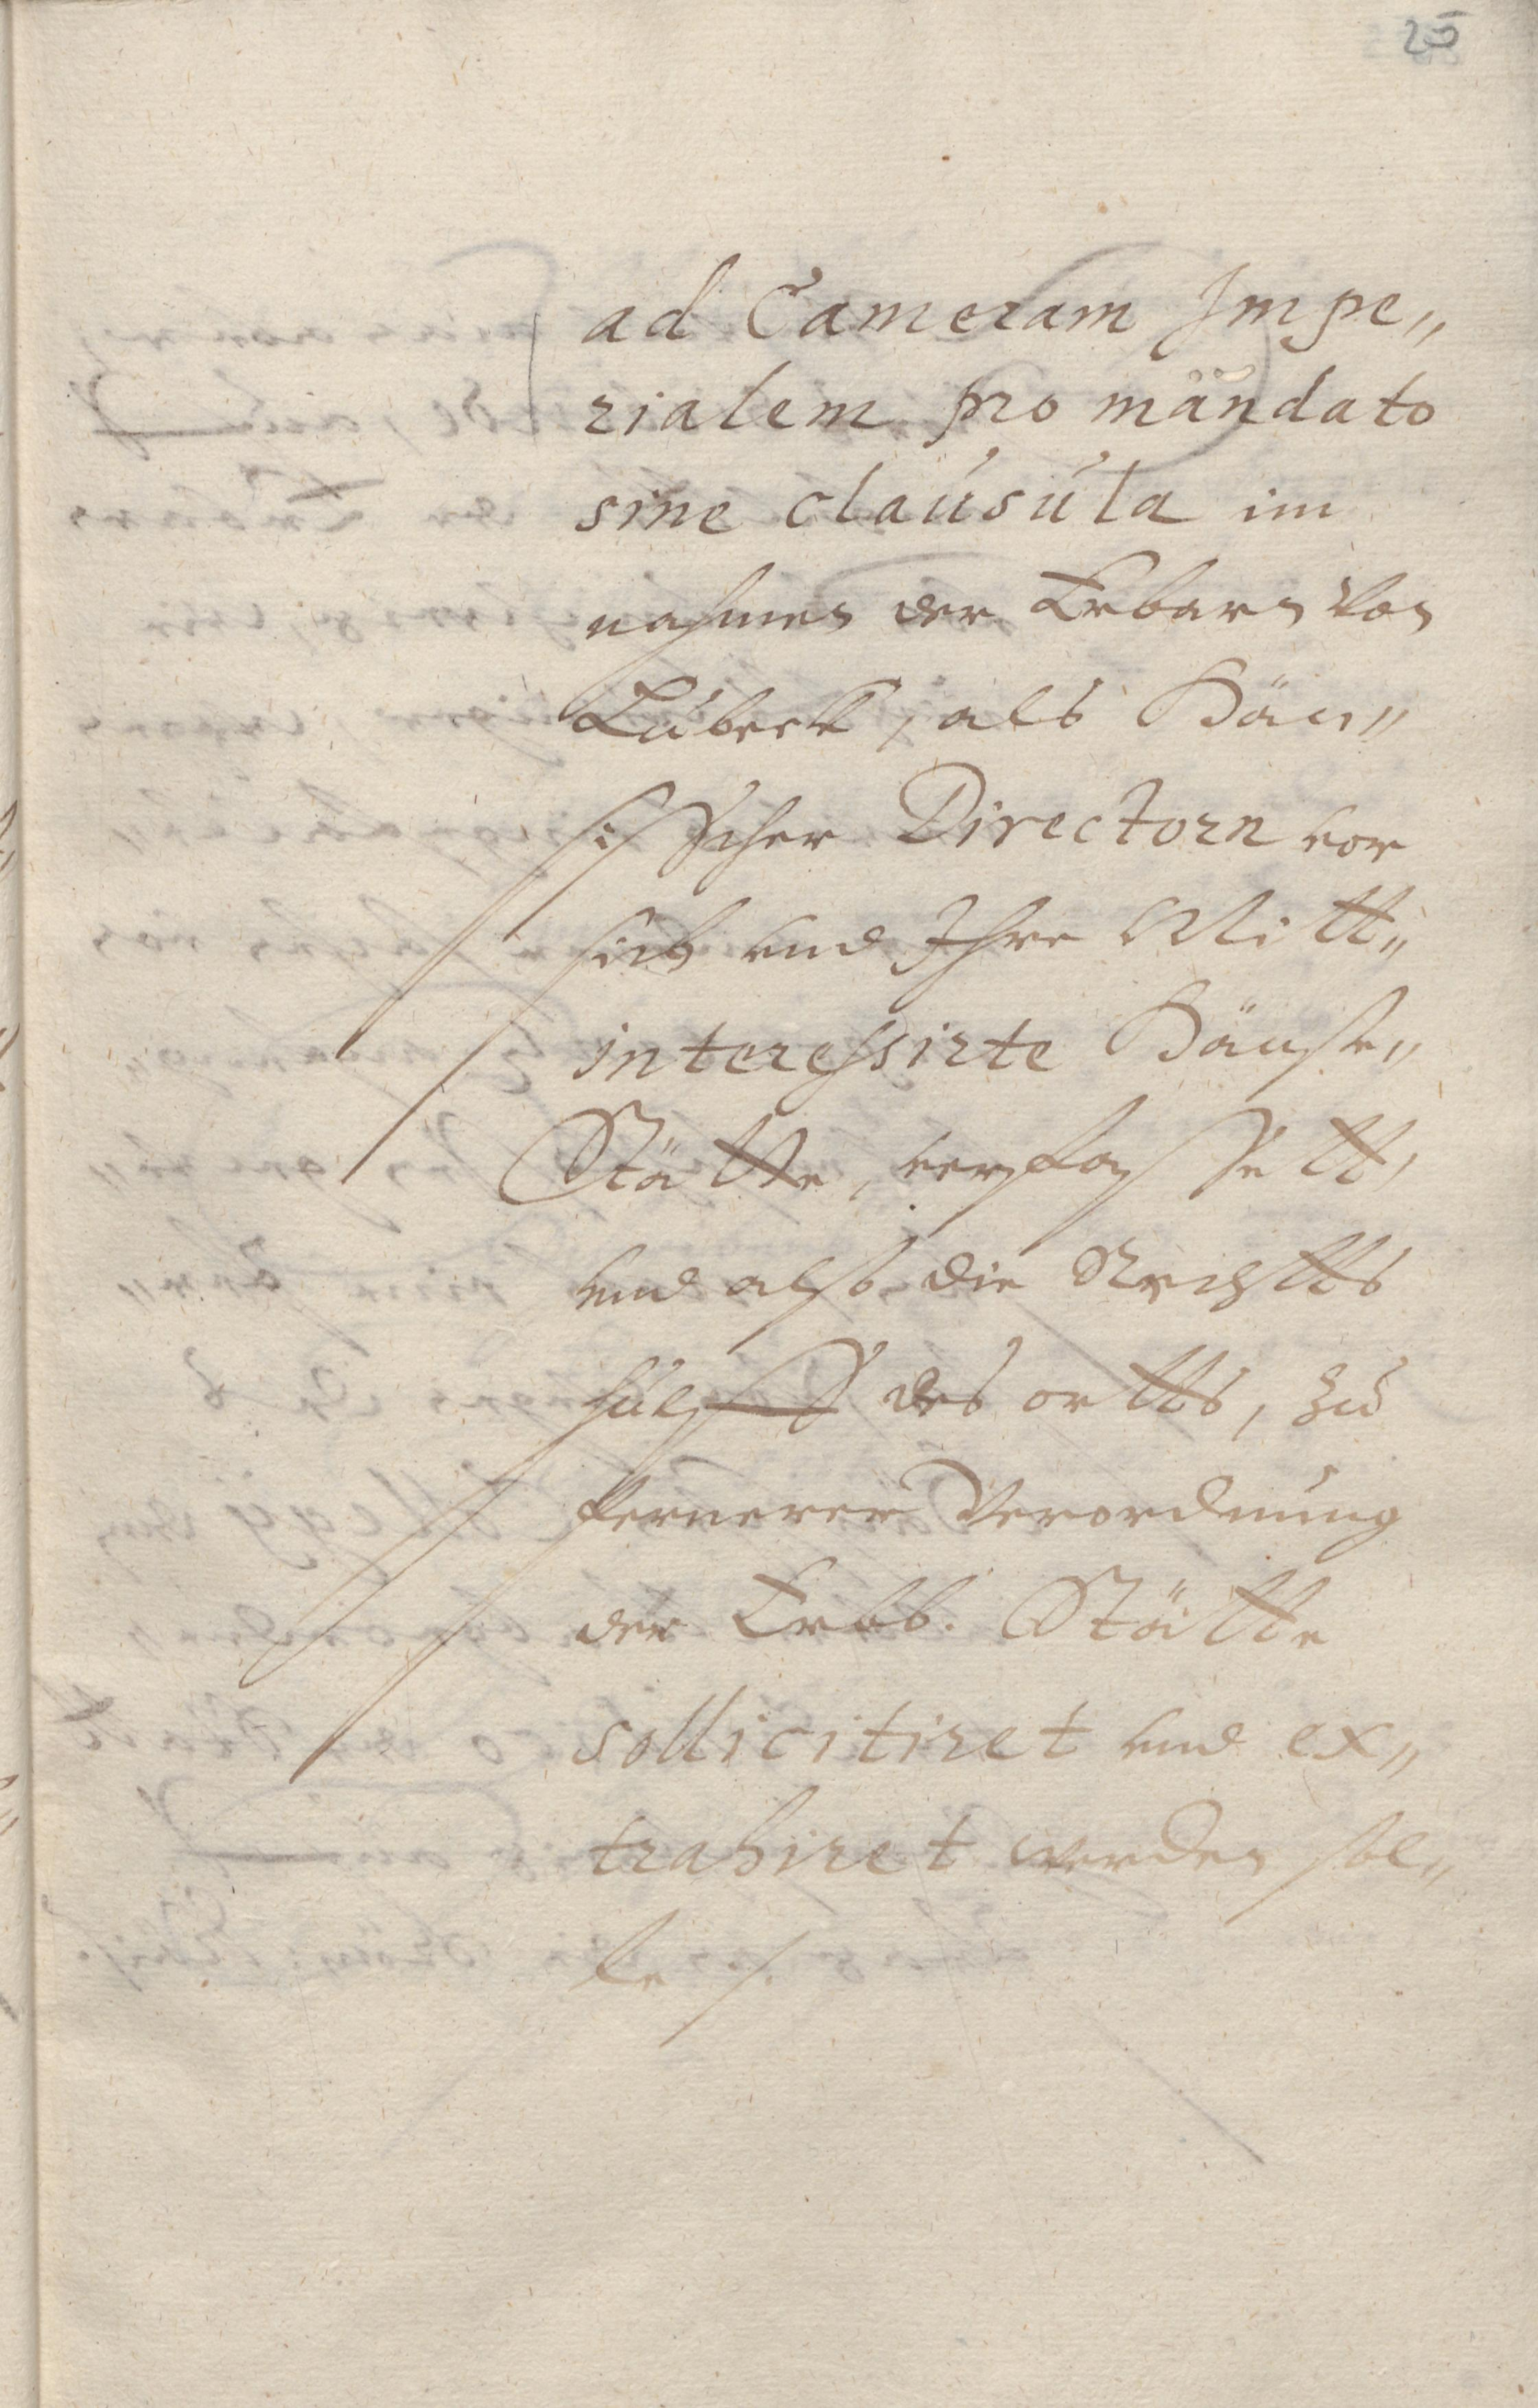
ad Cameram Impe¬
rialem pro mandato
sine clausula im
namen der Erbarn Von
Lubeck, als Hän¬
sicher Directorn vor
sich vnd Ihre Mitt¬
interessirte Hänse¬
Stätte, verfassett,
vnd also die Rechtts
hulff des ortts, zu
fernerer Verordnung
der Erbb. Stätte
sollicitiret vnd ex¬
trahiret werden sol¬
le ./.
